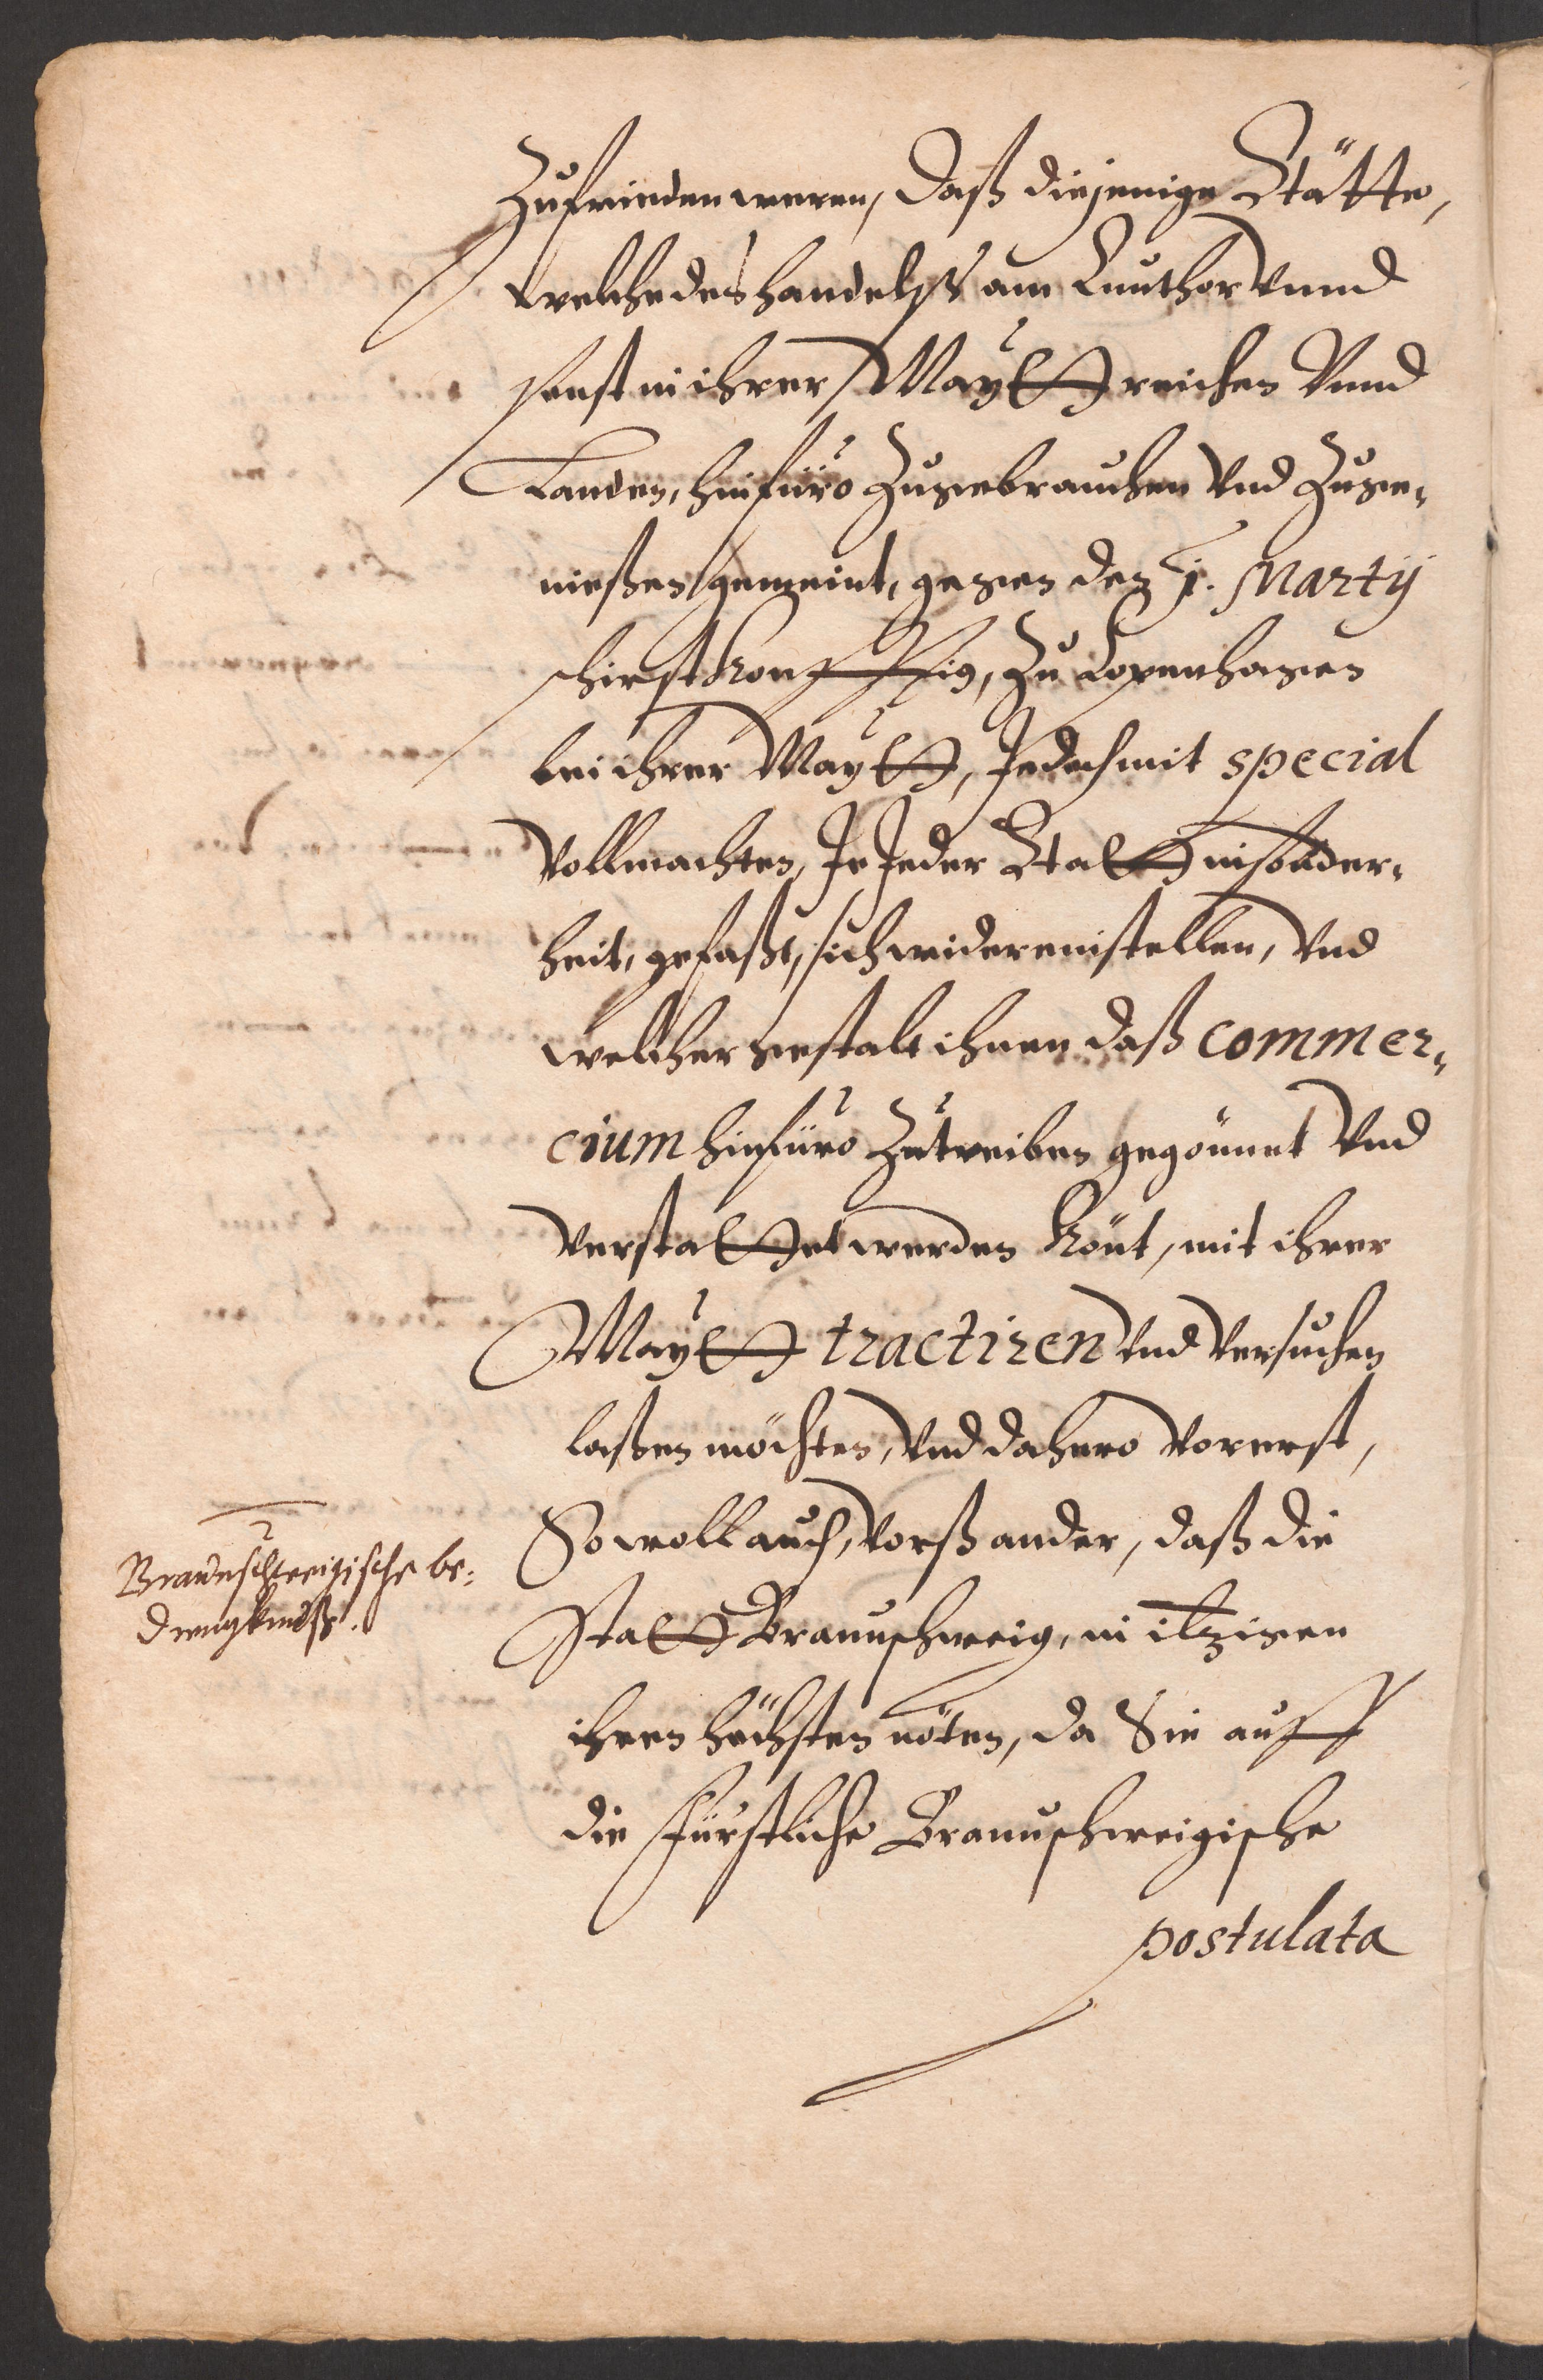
zufrieden weren, daß diejenige Stätte,
welche des handelß am Cunthor vnnd
sonst in ihrer Maytt reichen vnnd
Landen, hinfüro zugebrauchen vnd zuge¬
nießen gemeint, gegen den 1. Martij
schierstkonfftig, zu Copenhagen
bei ihrer Maytt, Jedoch mit special
vollmachten, Je Jeder Statt insonder¬
heit, gefaßt, sich wider einstellen, vnd
welcher gestalt ihnen daß commer¬
cium hinfüro zutreiben gegönnt vnd
verstattet werden könt, mit ihrer
Maijtt tractiren vnd versuchen
laßen möchten, vnd dahero vorerst,
Sowoll auch, vorß ander, daß die
Statt Braunschweig, in itzigen
ihren höchsten nöten, da Sie auff
die fürstliche Braunschweigische
postulata
2
Braunschweigische be¬
drengknuß.
